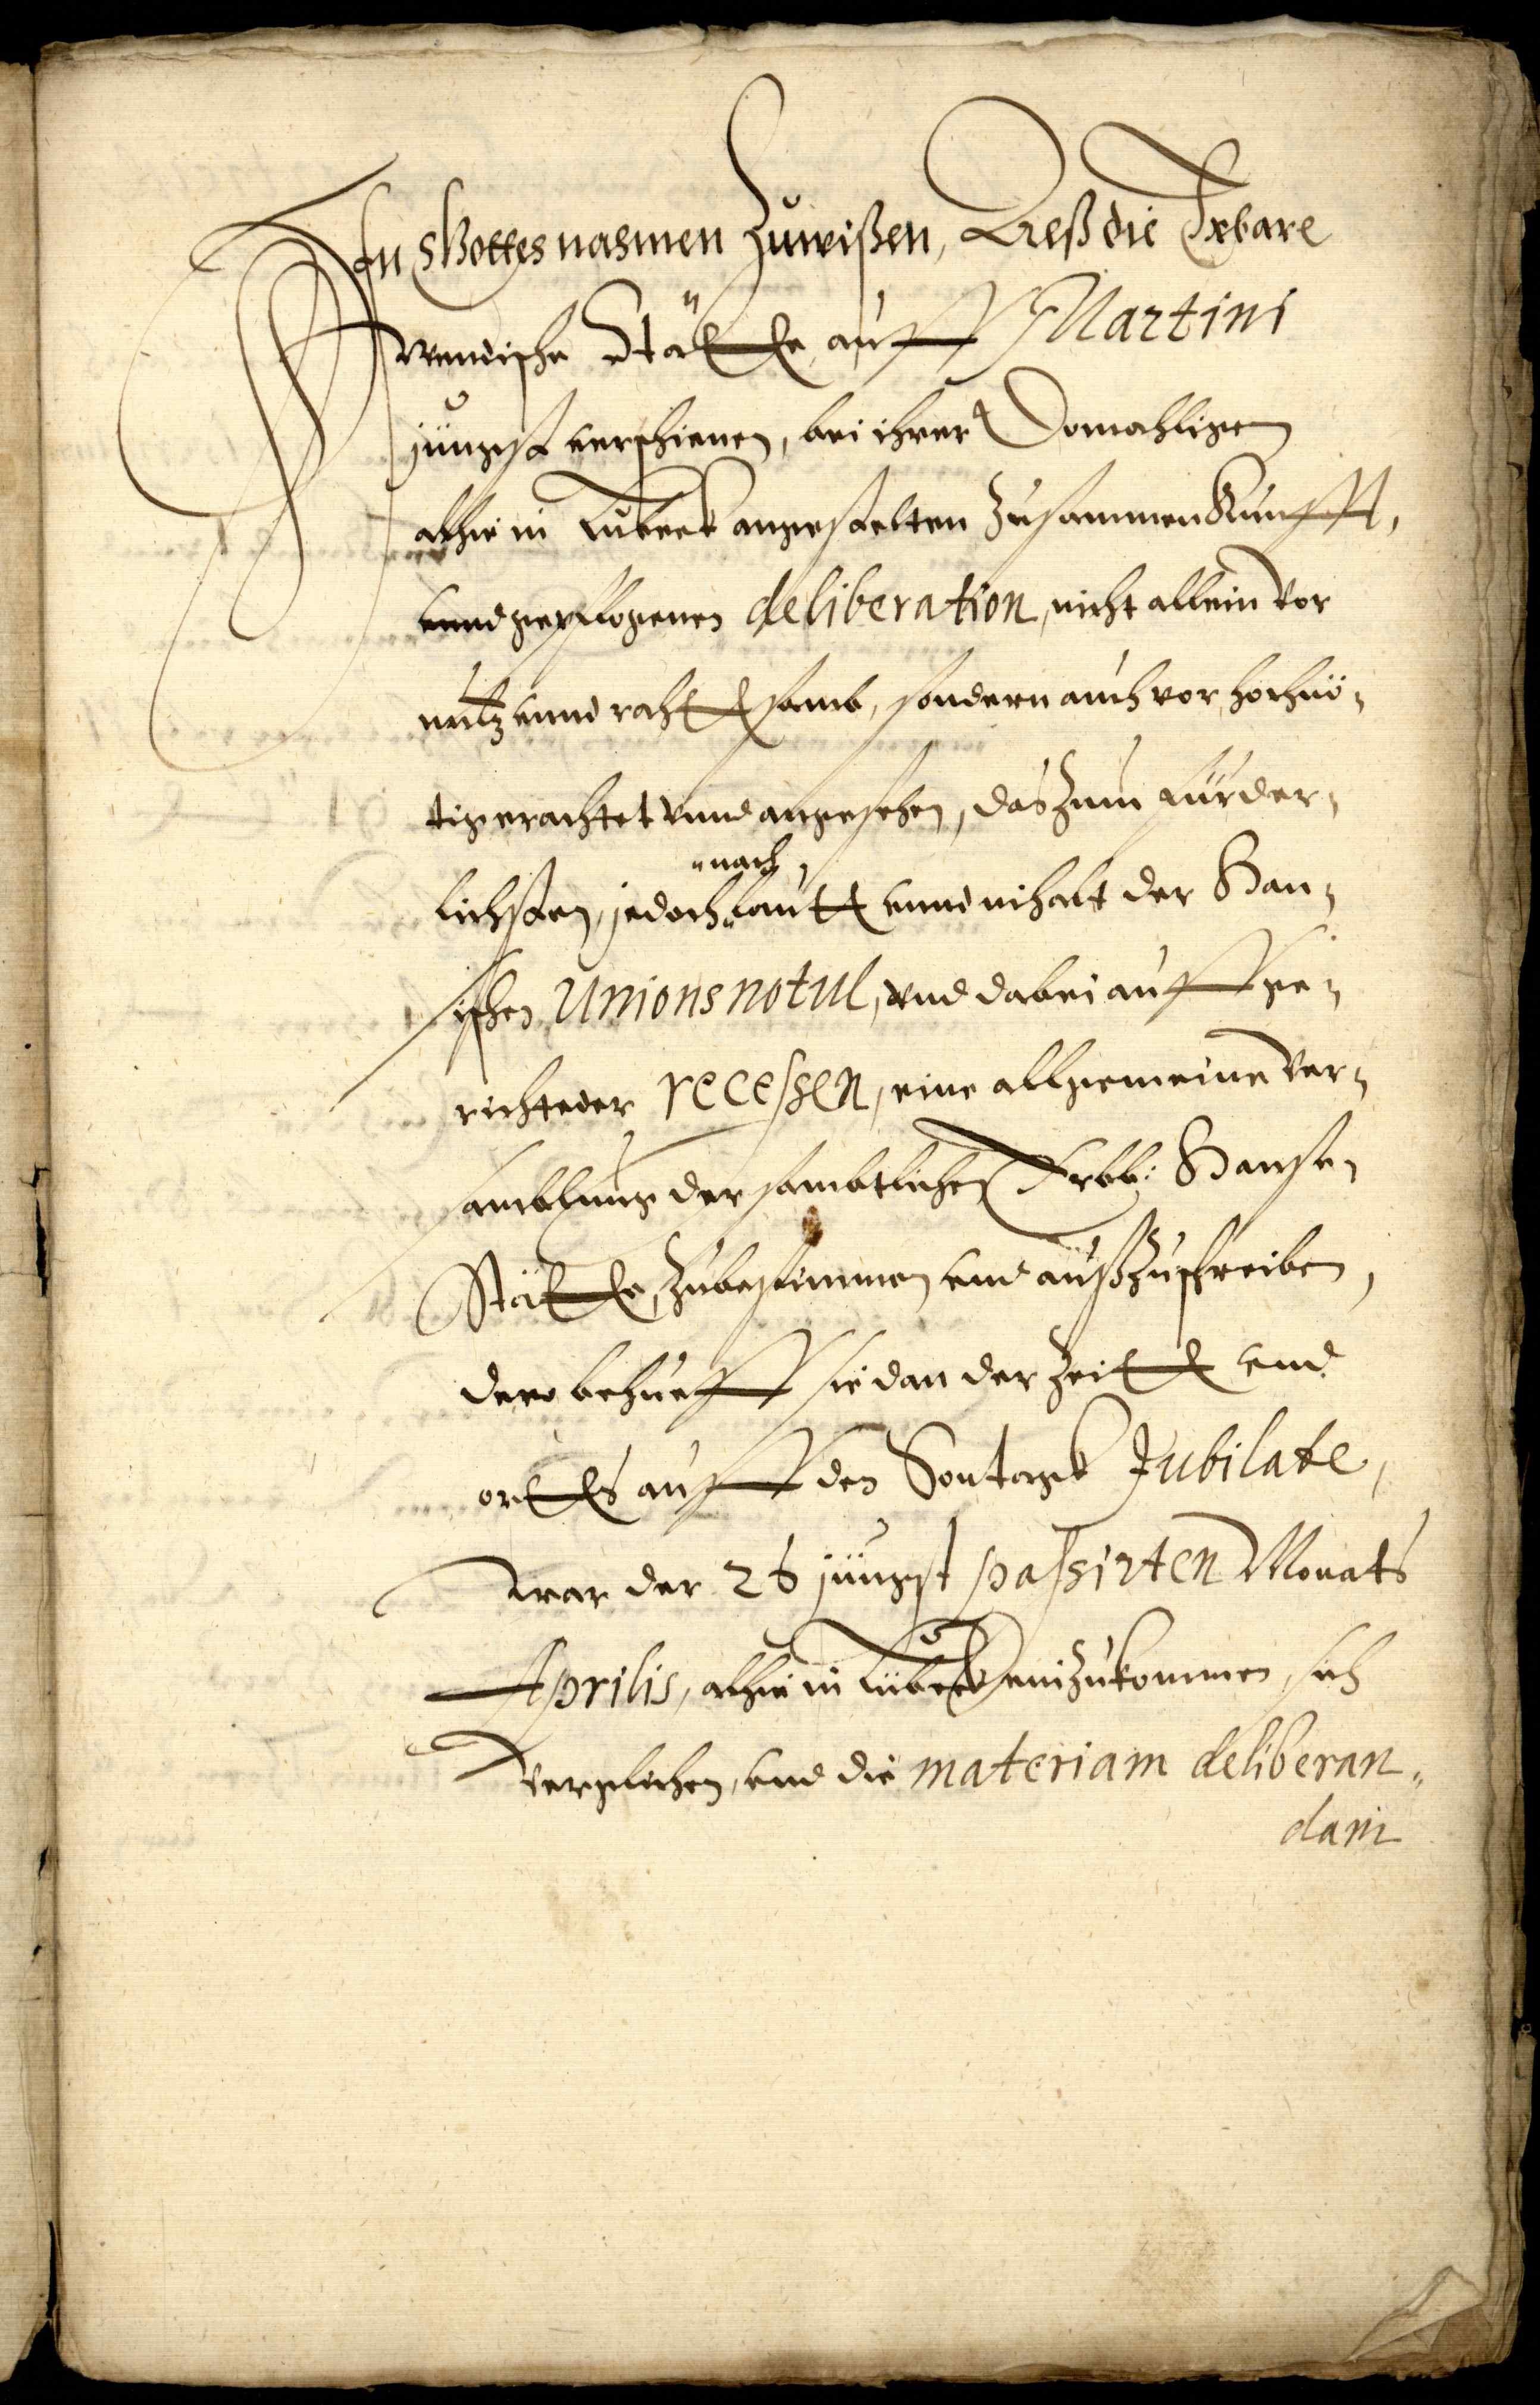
In Gottes nahmen Zuwißen, Alß die Erbare
wendische Stätte auff Martini
jüngst verschienen, bei ihrer Damahligen
alhir in Lubeck angestelten Zusammenkunfft,
vnnd gepflogenen deliberation, nicht allein vor
nutz vnnd rahttsamb, sondern auch vor hochnö¬
tig erachtet vnnd angesehen, das Zum fürder¬
* nach
lichsten, jedoch * lautt vnnd inhalt der Han¬
sischen unions notul, vnd dabei auffge¬
richteder recessen, eine allgemeine ver¬
samblung der sambtlichen Erbb: Hanse¬
Stätte, Zubestimmen vnd außZuschreiben,
dero behueff sie dan der Zeitt vnd
ortts auff den Sontagk Jubilate,
war der 26 jüngst passirten Monats
Aprilis, alhie in Lübeck einZukommen, sich
verglichen, vnd die materiam deliberan¬
dam
